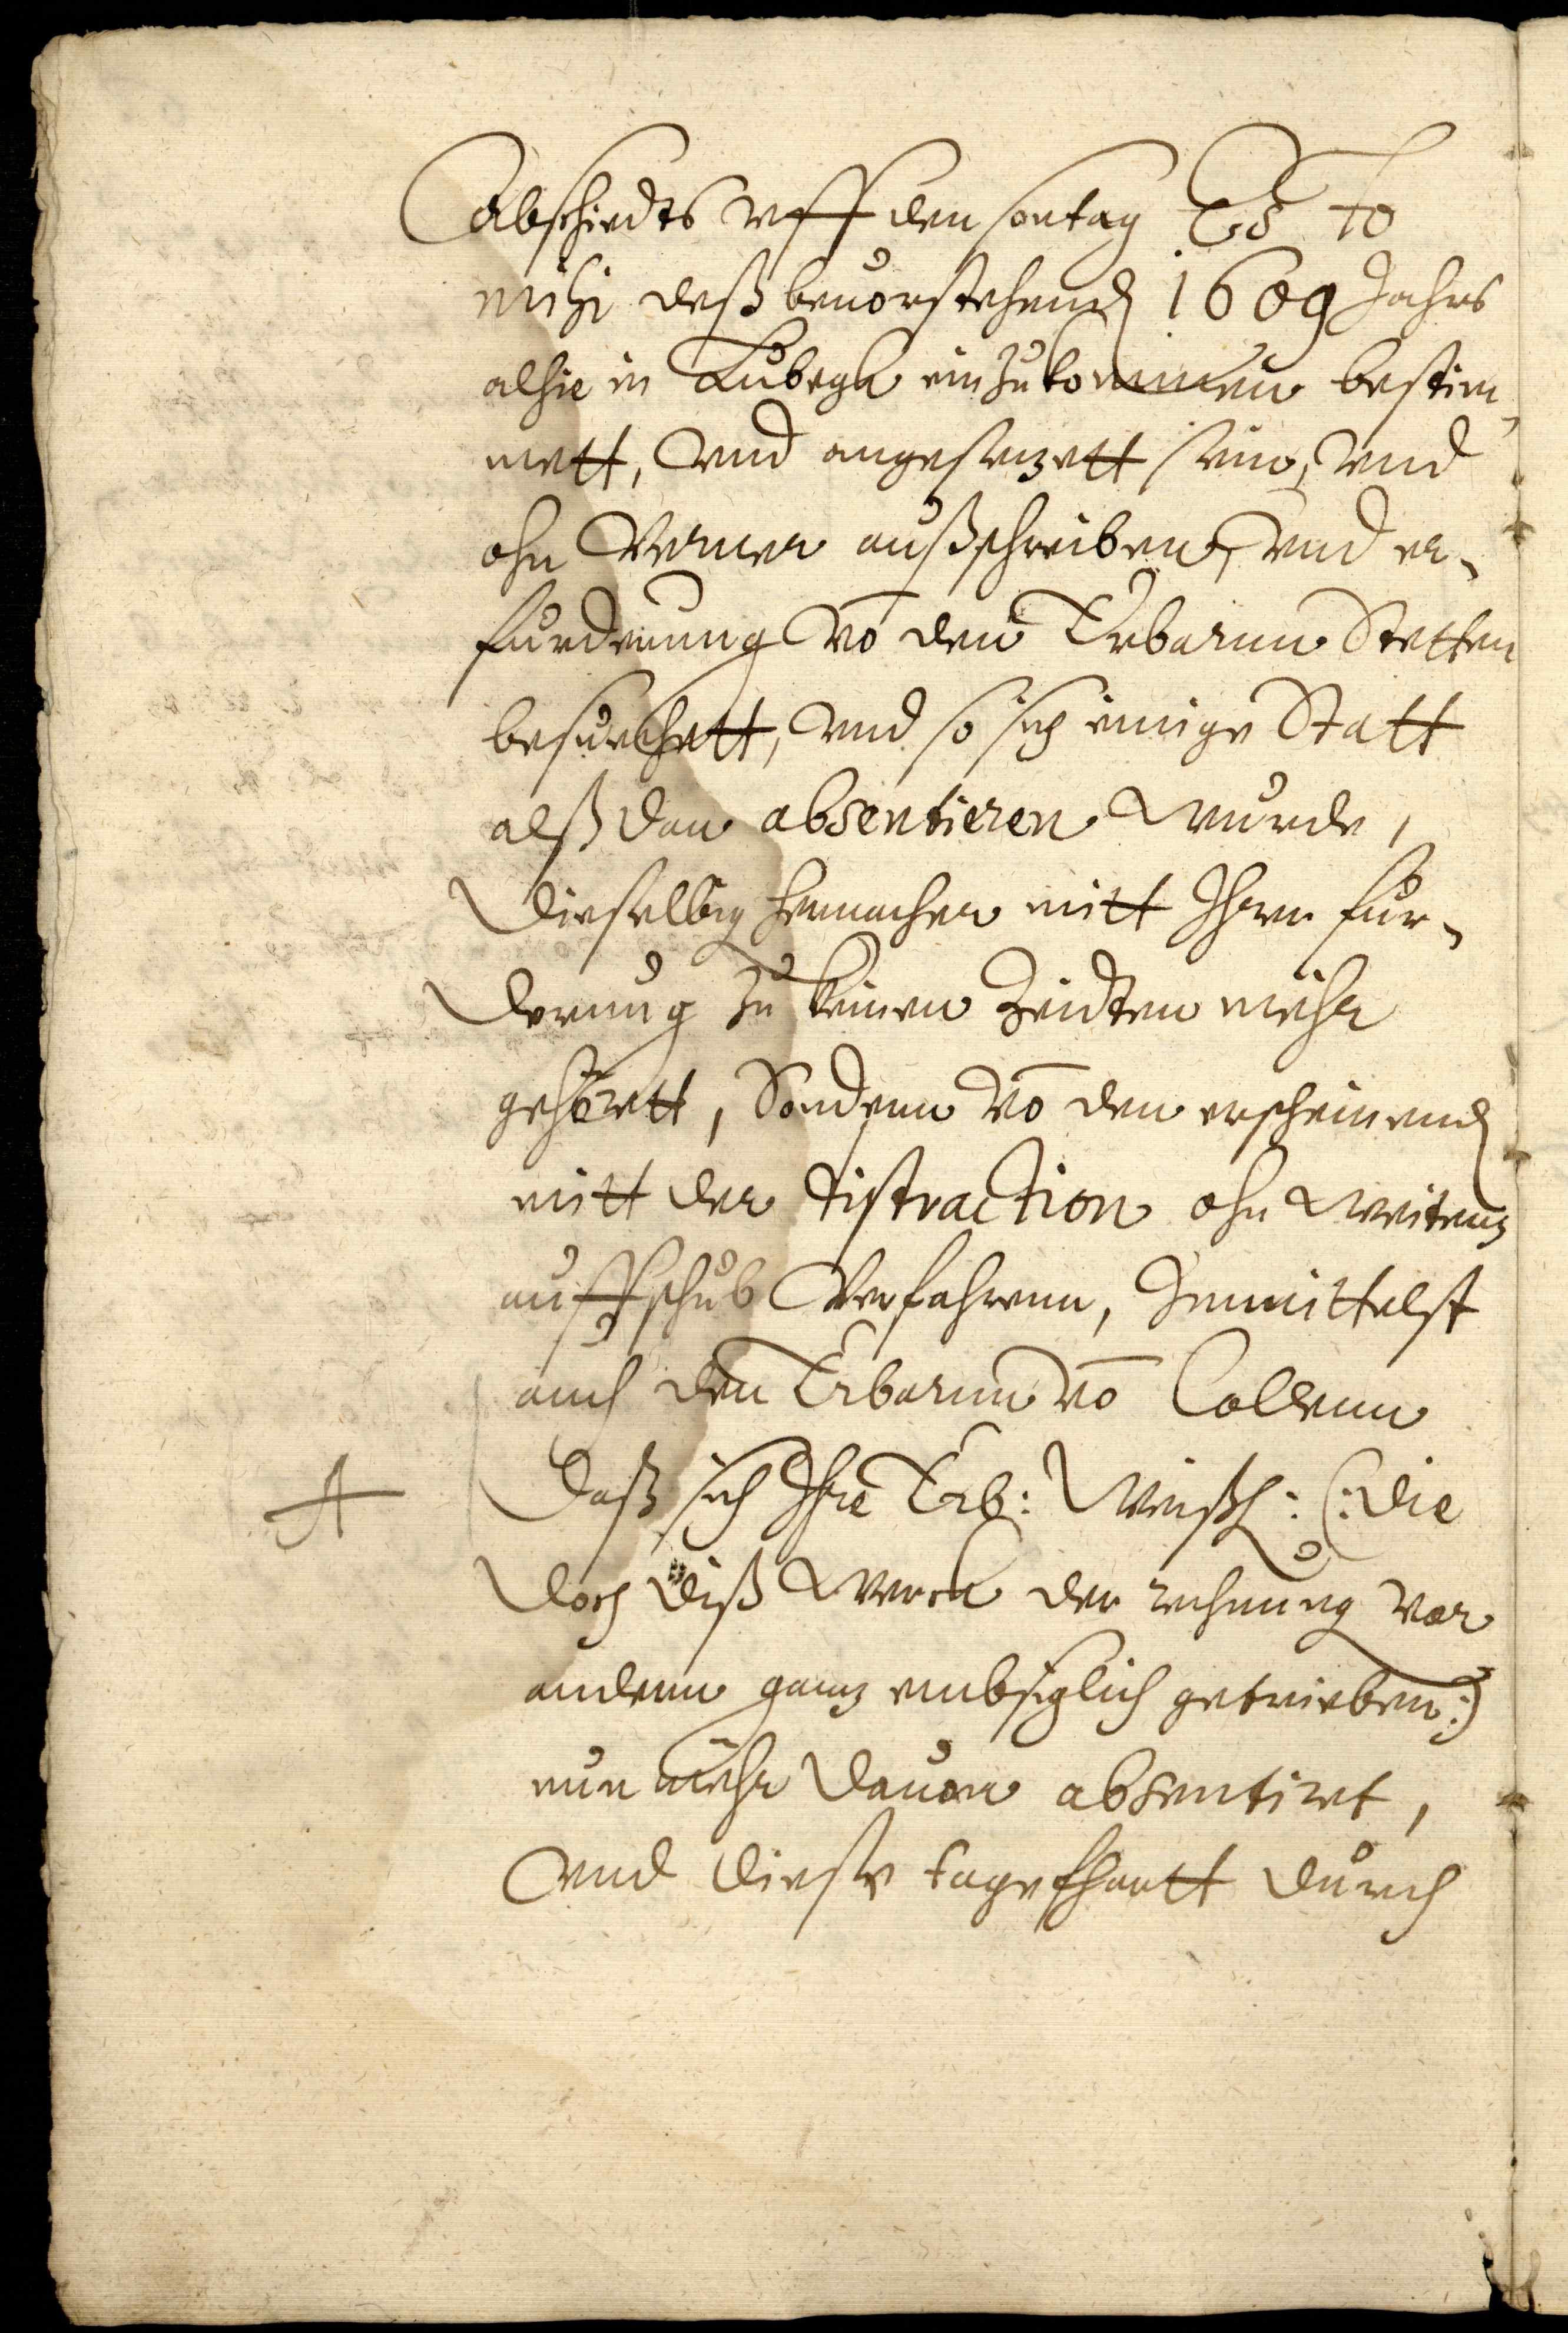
Abschiedts vff den sontag Esto
mihi deß beuorstehenden 1609 Jahrs
alhjie in Lubegk einzukommen bestim¬
mett, vnd angesezett sein, vnd
ohn verner außschreiben, vnd er¬
furderung von den Erbaren Stetten
besuechett, vnd so sich einige Statt
alß dan absentieren wurde,
dieselbigen hernacher mitt Ihrer fur¬
derung zu keinen Zeidten mehr
gehörett, sondern von den erscheinenden
mitt der distraction ohn weitern
auffschub Verfahrenn, Immittelst
auch den Erbaren von Collenn
daß sich Ihre Erb:Weißen: (:die
doch diß werck der rechnungen vor
andern ganz embsiglich getrieben :)
nun auch dauon absentiert,
vnd diese tagefhartt durch
